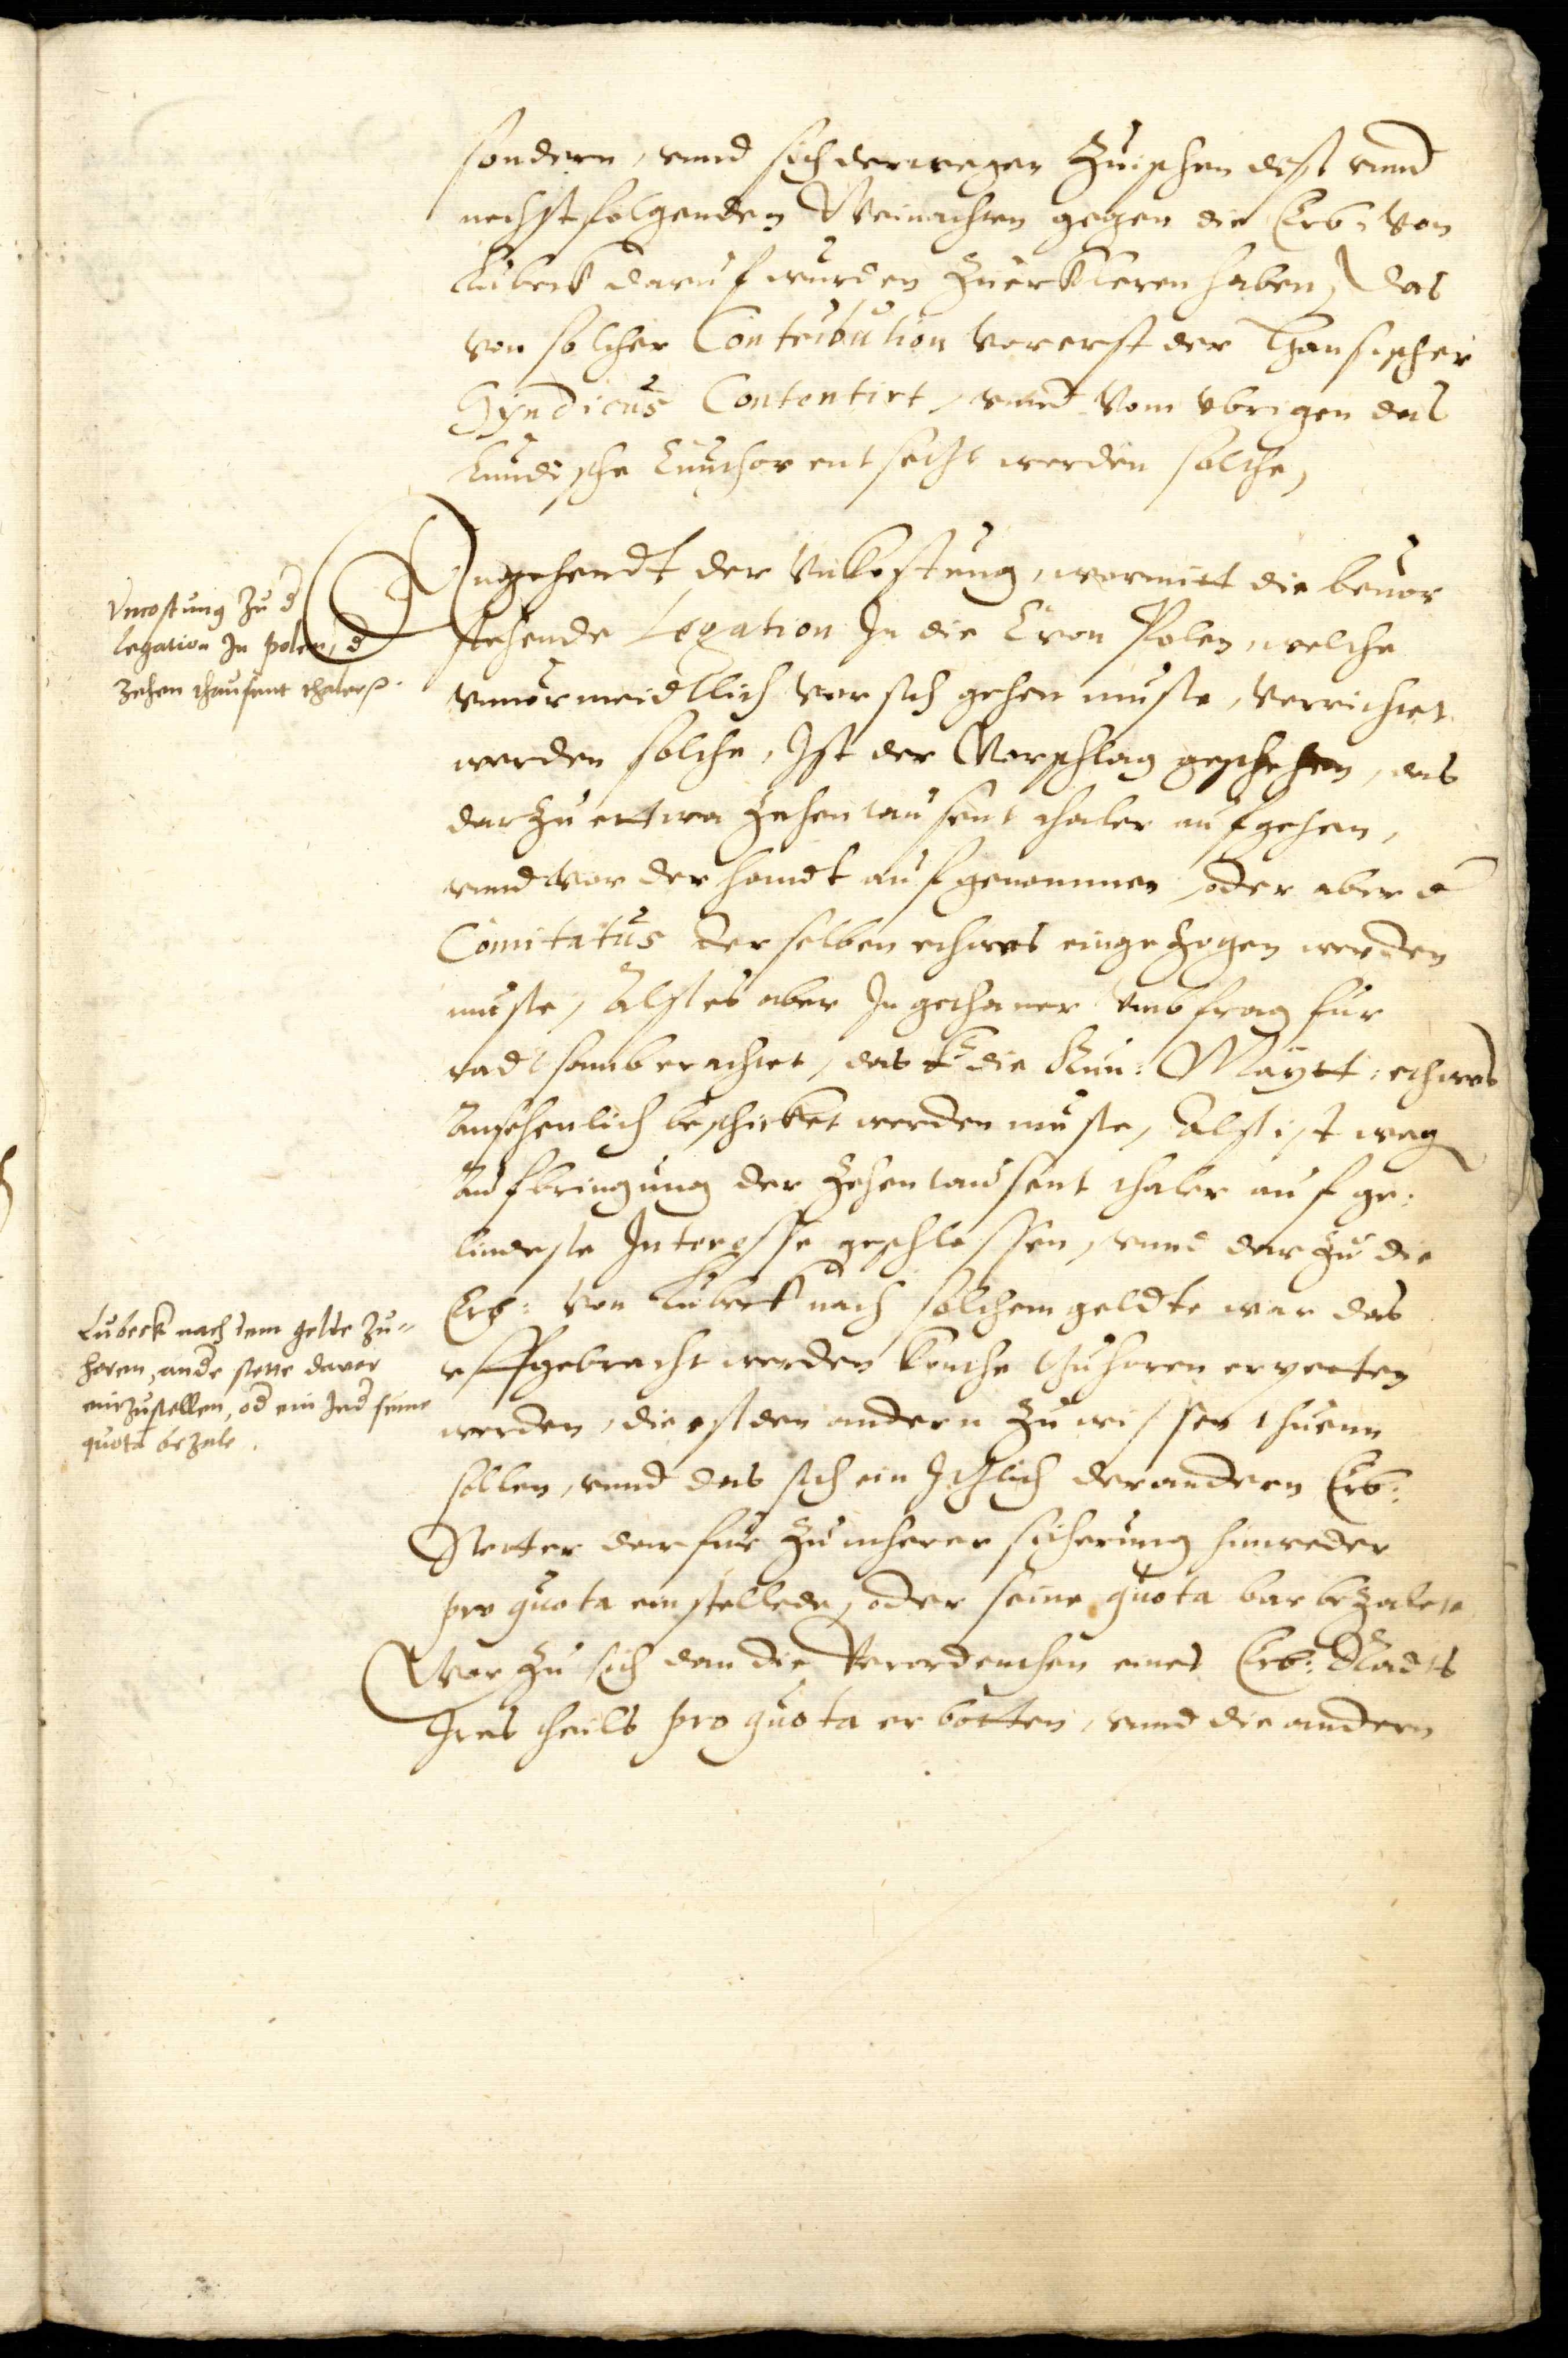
sondern, vnnd sich derwegen zuischen diß vnnd
nechstfolgenden Weinachten gegen die Erb: von
Lubeck daruf wurden zuerkleren haben, das
von solcher Contribution vorerst der Hansischer
Syndicus contentirt, vnnd vom vbrigen das
Lundische Cunthor entsetzt werden solthe,
Vncostung zu der
Legation Jn Polen, der
zehen thausent thaler p.
Lubeck nach dem gelde zu¬
horen, andere stette davor
einzustellen, oder ein Jeder seine
quotam bezale.
Angehendt der vnkostung, wormitt die beuor
stehende Legation Jn die Cron Polen, welche
vnuormeidtlich vor sich gehen muste, verrichtet
werden solthe, Jst der Vorschlag geschehen, das
darzu ettwa zehen tausent thaler aufgehen,
vnnd vor der handt aufgenommen oder aber der
Comitatus derselben ethwas eingezogen werden
muste, Alß es aber Jn gethaner vmbfrag fur
radtsamb erachtet, das fs die Kun: Maijtt: ethwas
ansehenlich beschicket werden muste, Alß ist wegen
aufbringung der zehen tausent thaler auf ge¬
lindeste Interesse geschlossen, vnnd darzu die
Erb: von Lubeck nach solchem geldte war das
vffgebracht werden konthe tzuhoren erpetten
werden, die eß den andern zu wissen thuenn
sollen, vnnd das sich ein Jtzlich der andern Erb:
Stetter darfur zu mherer sicherung hinweder
pro quota einstellede, oder seine quota bar bezalete,
Wor zu sich dan die Verordenthen eines Erb: Radts
Jres theils pro quota erbotten, vnnd die andern
